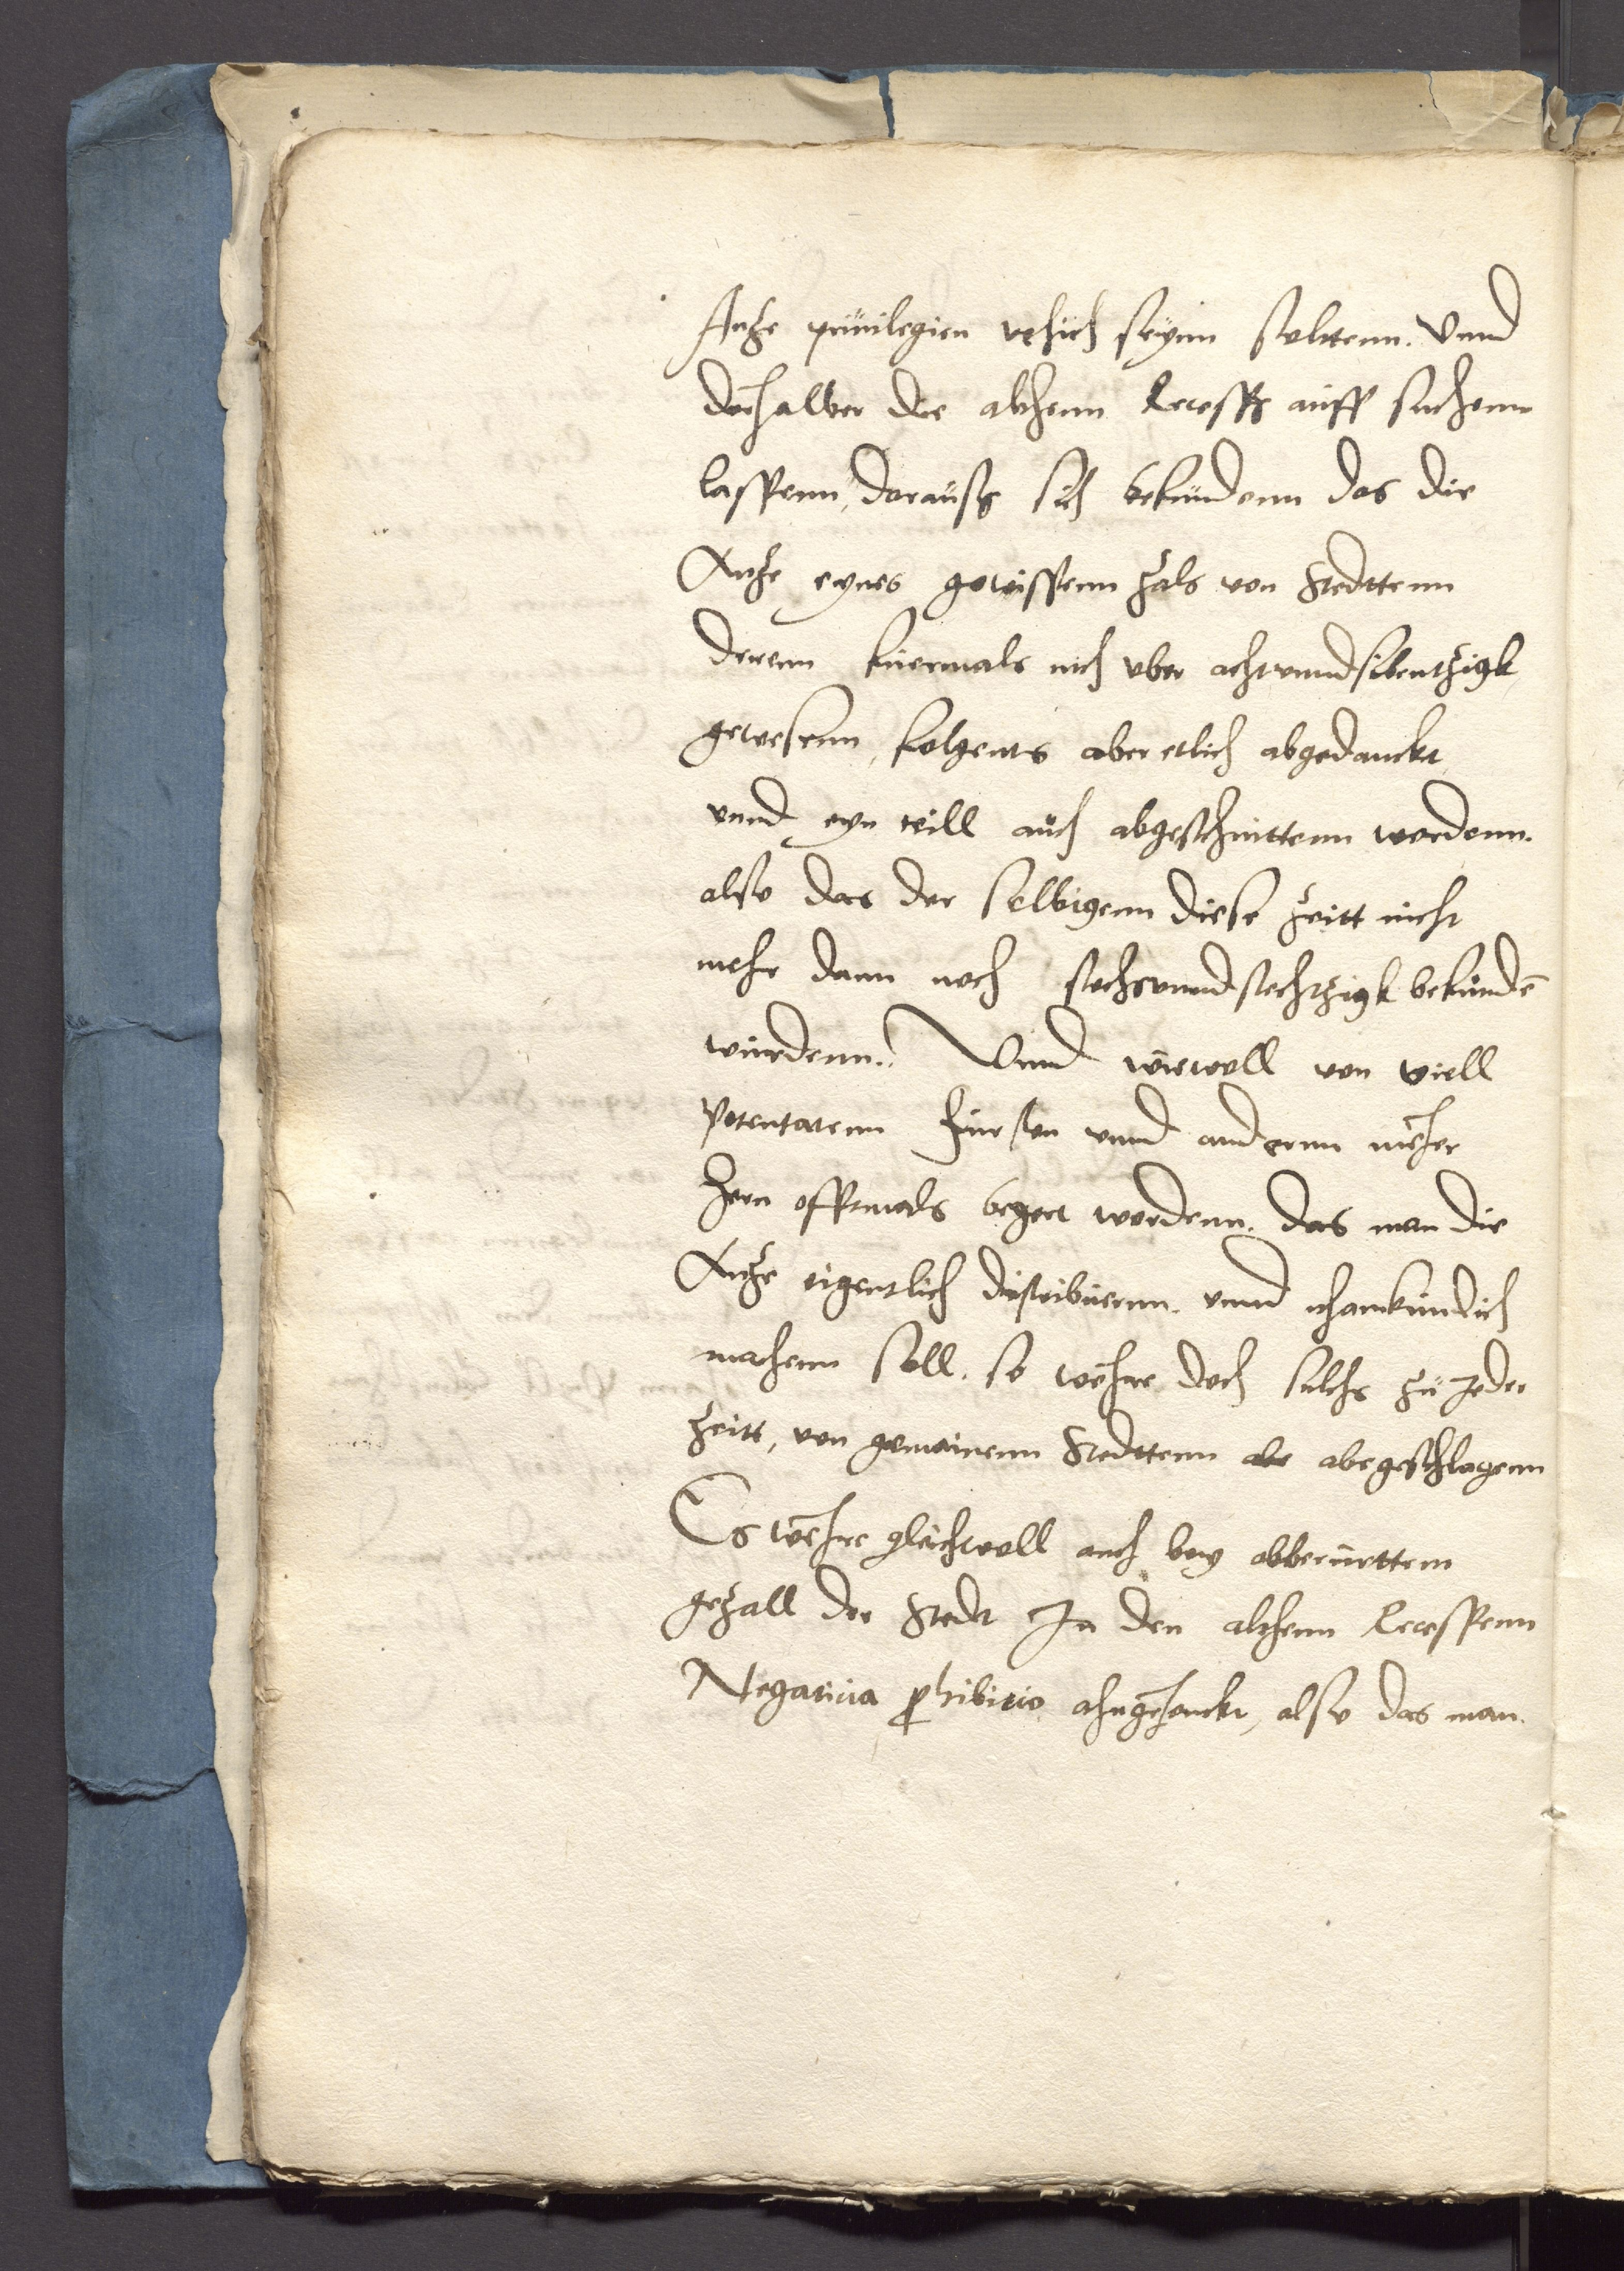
Anze priuilegien vehich seijnn solttenn vnnd
derhalber die althenn Recesse auff suchenn
lassenn, darauss sich bekundenn das die
Anze eynes gewissenn hals von Stedttenn
derenn fuermals nich vber acht vnndsibentzigk
gewesenn, folgents aber etlich abgedanckt
vnnd eyn teill auch abgeschnittenn werdenn,
alse dat der selbigenn diese Zeitt nicht
mehr dann noch sechsvnnd sechtzigk befunden
wurdenn, Vnd wiewoll von viell
potentantenn Fursten vnnd andernn meher
Hern offtmals begere wordenn, das man die
Anze eigentlich distriburenn vnnd nhamkundlich
machenn soll, so wehre doch solche zu jeder
zeitt, von gemainenn Stedttenn abe abegeschlagenn
Es wehre gleichwoll auch bey abberurttem
gezall die Stedt Jn den althenn Recessenn
Negatiua prohibitio ahngehenckt, alse das man
